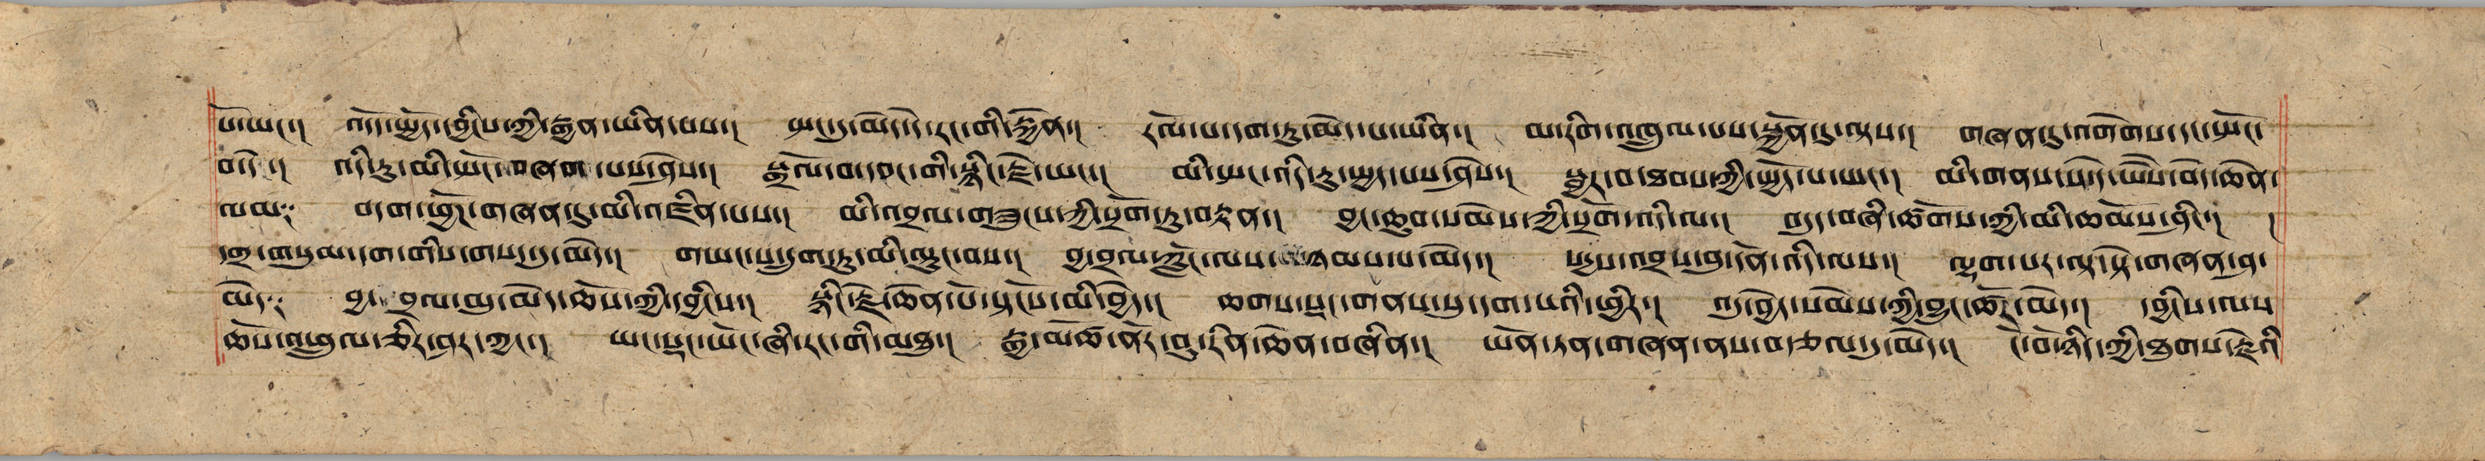པོ་ཡང་། འདོད་སྤྱོད་དབྱིངས་ཀྱི་རྒྱན་ཡིན་བས་། སྤང་དུ་མེད་དེ་རང་གི་སྐྱོན་། རོལ་པ་དག་ཏུ་མེད་པ་ཡིན་། མ་རིག་འཁྲུལ་པས་སྐྱོན་དུ་ལྟས་། གཞན་དུ་འགེགས་དང་སྤོང་
བ་དེ་། འདི་རུ་མི་སྤོང་བཞག་པས་ཤེས་། སྒྲོལ་བ་དབང་གི་སྙིང་རྗེ་ཡང་། མི་སྤང་འདི་རུ་སྤྱད་པས་ཤེས་། སྦྱར་བ་ཐབས་ཀྱི་སྤྱོད་པ་ཡང་། མི་གནས་ས་དེ་ཡཻས་བདེ་ཆེན་
ལམ༑ བདག་ཕྱོཌ་གཞན་དུ་མི་འཛིན་པས་། མི་འབྲལ་གཟུངས་ཀྱི་སྲོག་ཏུ་བརྟན་། བྱང་ཆུབ་སེམས་ཀྱི་སྲོག་འདི་ལ་། བདུད་བཞི་ཚོགས་ཀྱི་མི་ཆོམས་ཤིང་།
དགྲ་གསུམ་དག་གིས་གསད་དུ་མེད་། གཡང་ས་དྲུག་ཏུ་མི་ལྟུང་བས་། བྱ་བྲལ་ཀློང་ལས་ཉམས་པ་མེད་། སདྱས་འབྲས་བུ་དོན་འདི་ལས་། ལྷག་པར་ལྟ་སྟེ་གཞན་ཤ་
མེད༑ བྱ་བྲལ་མུ་མེད་ཆོས་ཀྱི་དབྱིངས་། སྙིང་རྗེ་ཆེན་པོ་སྟོངས་མི་བྱེད་། ཆགས་སྡང་གནས་སུ་དག་པའི་ཕྱིར་། འདུ་བྱེད་སེམས་ཀྱི་བྱུང་ཚོར་མེད་། དབྱིངས་ལས
ཆོས་འཕྲུལ་ཅིར་ཤར་ཀྱང་། ཡང་སྡང་ཡོང་ཞི་རང་གི་མཐུ་། རྒྱ་མཚོ་ནོར་བུ་རིན་ཆེན་བཞིན་། ཡོན་ཏན་གཞན་ནས་བརྩལ་དུ་མེད་། ངོ་བོ་ཉིད་ཀྱི་ཐུགས་རྗེའི